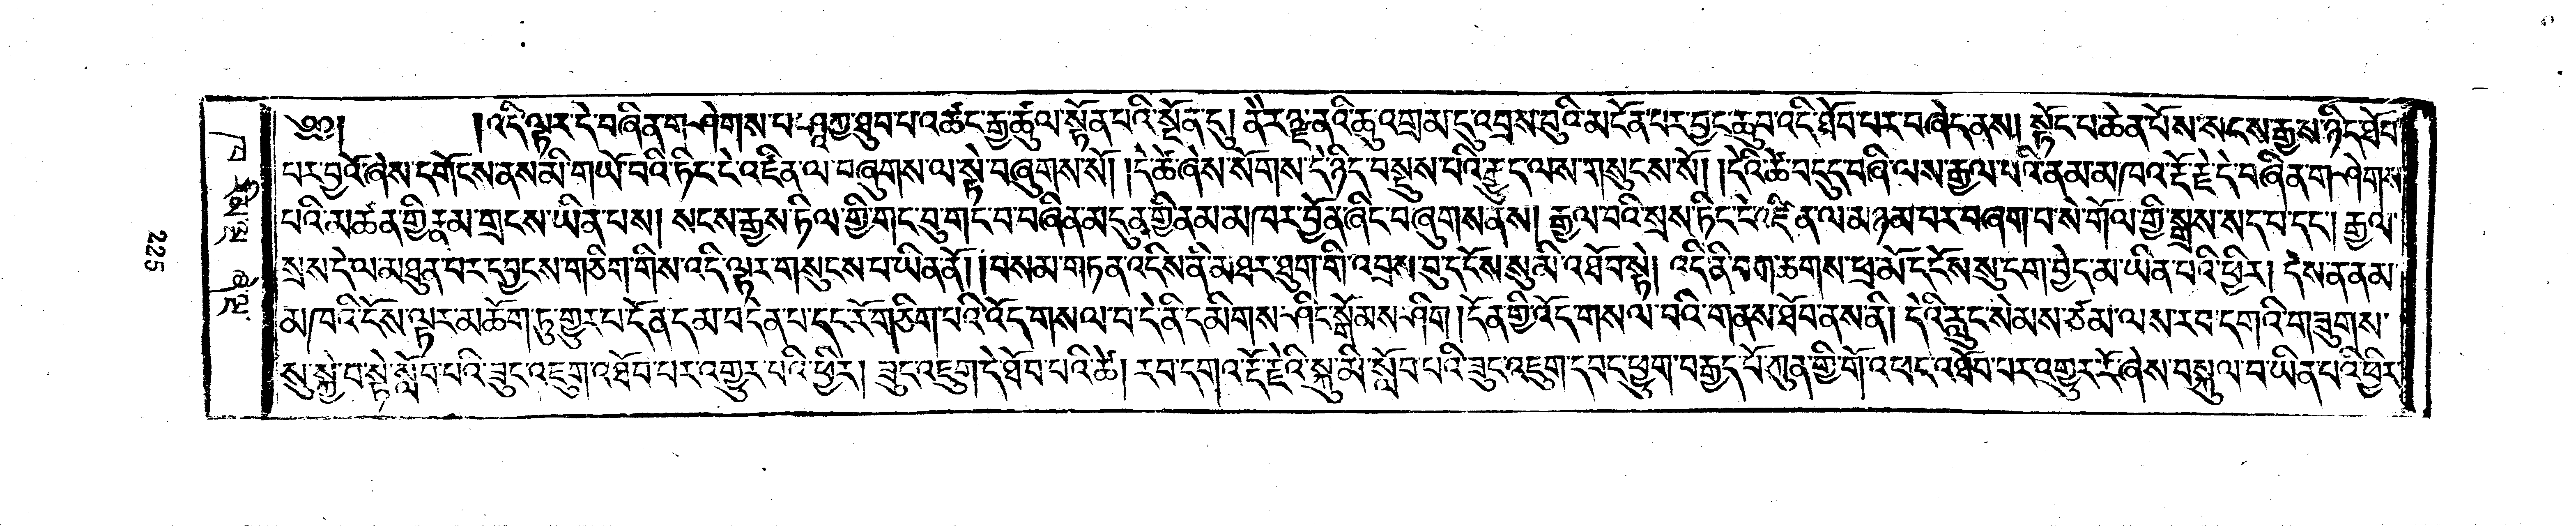༄༅། །འདི་ལྟར་དེ་བཞིན་གཤེགས་པ་ཤཱཀྱ་ཐུབ་པ་འཚང་རྒྱ་ཚུལ་སྟོན་པའི་སྔོན་དུ། ནཻ་ར་ཉྫ་ནའི་ཆུ་འགྲམ་དུ་འབྲས་བུའི་མངོན་པར་བྱང་ཆུབ་འདི་ཐོབ་པར་བཞེད་ནས། སྟོང་པ་ཆེན་པོས་སངས་རྒྱས་ཉིད་ཐོབ་
པར་བྱའོ་ཞེས་དགོངས་ནས་མི་གཡོ་བའི་ཏིང་ངེ་འཛིན་ལ་བཞུགས་ལ་སྟེ་བཞུགས་སོ། །དེ་ཚེ་ཞེས་སོགས་དེ་ཉིད་བསྡུས་པའི་རྒྱུད་ལས་གསུངས་སོ། །དེའི་ཚེ་བདུད་བཞི་ལས་རྒྱལ་བའི་ནམ་མཁའ་རྡོ་རྗེ་དེ་བཞིན་གཤེགས་
པའི་མཚན་གྱི་རྣམ་གྲངས་ཡིན་པས། སངས་རྒྱས་ཏིལ་གྱི་གང་བུ་གང་བ་བཞིན་མདུན་གྱི་ནམ་མཁར་བྱོན་ཞིང་བཞུགས་ནས། རྒྱལ་བའི་སྲས་ཏིང་ངེ་འཛིན་ལ་མཉམ་པར་བཞག་པ་སེ་གོལ་གྱི་སྒྲས་སད་པ་དང་། རྒྱལ་
སྲས་དེ་ལ་མཐུན་པར་དབྱངས་གཅིག་གིས་འདི་ལྟར་གསུངས་པ་ཡིན་ནོ། །བསམ་གཏན་འདིས་ནི་མཐར་ཐུག་གི་འབྲས་བུ་དངོས་སུ་མི་འཐོབ་སྟེ། འདི་ནི་བག་ཆགས་ཕྲ་མོ་དངོས་སུ་དག་བྱེད་མ་ཡིན་པའི་ཕྱིར། དེས་ན་ནམ་
མཁའི་ངོས་ལྟར་མཆོག་ཏུ་གྱུར་པ་དོན་དམ་བདེན་པ་དང་རོ་གཅིག་པའི་འོད་གསལ་བ་དེ་ནི་དམིགས་ཤིང་སྒོམས་ཤིག །དོན་གྱི་འོད་གསལ་བའི་གནས་ཐོབ་ནས་ནི། དེའི་རླུང་སེམས་ཙམ་ལས་རབ་དགའི་གཟུགས་
སུ་སྐྱེ་བ་སྟེ་སློབ་པའི་ཟུང་འཇུག་འཐོབ་པར་འགྱུར་བའི་ཕྱིར། ཟུང་འཇུག་དེ་ཐོབ་པའི་ཚེ། རབ་དགའ་རྡོ་རྗེའི་སྐུ་མི་སློབ་པའི་ཟུང་འཇུག་དབང་ཕྱུག་བརྒྱད་པོ་ཀུན་གྱི་གོ་འཕང་འཐོབ་པར་འགྱུར་རོ་ཞེས་བསྐུལ་བ་ཡིན་པའི་ཕྱིར་